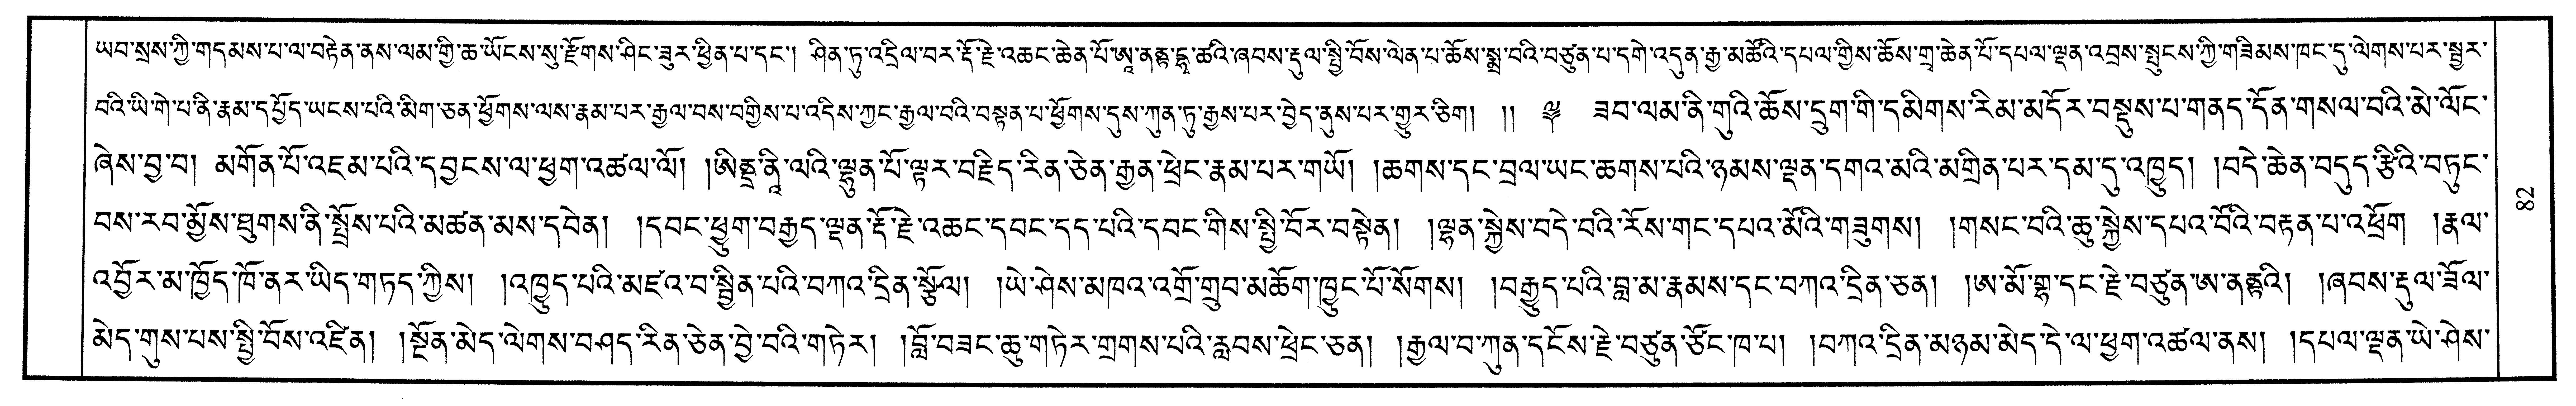ཡབ་སྲས་ཀྱི་གདམས་པ་ལ་བརྟེན་ནས་ལམ་གྱི་ཆ་ཡོངས་སུ་རྫོགས་ཤིང་ཟུར་ཕྱིན་པ་དང་། ཤིན་ཏུ་འདྲིལ་བར་རྡོ་རྗེ་འཆང་ཆེན་པོ་ཨཱ་ནནྟ་དྷྭ་ཚའི་ཞབས་རྡུལ་སྤྱི་བོས་ལེན་པ་ཆོས་སྨྲ་བའི་བཙུན་པ་དགེ་འདུན་རྒྱ་མཚོའི་དཔལ་གྱིས་ཆོས་གྲྭ་ཆེན་པོ་དཔལ་ལྡན་འབྲས་སྤུངས་ཀྱི་གཟིམས་ཁང་དུ་ལེགས་པར་སྦྱར་
བའི་ཡི་གེ་པ་ནི་རྣམ་དཔྱོད་ཡངས་པའི་མིག་ཅན་ཕྱོགས་ལས་རྣམ་པར་རྒྱལ་བས་བགྱིས་པ་འདིས་ཀྱང་རྒྱལ་བའི་བསྟན་པ་ཕྱོགས་དུས་ཀུན་ཏུ་རྒྱས་པར་བྱེད་ནུས་པར་གྱུར་ཅིག། །། ༈ ཟབ་ལམ་ནི་གུའི་ཆོས་དྲུག་གི་དམིགས་རིམ་མདོར་བསྡུས་པ་གནད་དོན་གསལ་བའི་མེ་ལོང་
ཞེས་བྱ་བ། མགོན་པོ་འཇམ་པའི་དབྱངས་ལ་ཕྱག་འཚལ་ལོ། །ཨིནྡྲ་ནཱི་ལའི་ལྷུན་པོ་ལྟར་བརྗིད་རིན་ཅེན་རྒྱན་ཕྲེང་རྣམ་པར་གཡོ། །ཆགས་དང་བྲལ་ཡང་ཆགས་པའི་ཉམས་ལྡན་དགའ་མའི་མགྲིན་པར་དམ་དུ་འཁྱུད། །བདེ་ཆེན་བདུད་རྩིའི་བཏུང་
བས་རབ་མྱོས་ཐུགས་ནི་སྤྲོས་པའི་མཚན་མས་དབེན། །དབང་ཕྱུག་བརྒྱད་ལྡན་རྡོ་རྗེ་འཆང་དབང་དད་པའི་དབང་གིས་སྤྱི་བོར་བསྟེན། །ལྷན་སྐྱེས་བདེ་བའི་རོས་གང་དཔའ་མོའི་གཟུགས། །གསང་བའི་ཆུ་སྐྱེས་དཔའ་བོའི་བརྟན་པ་འཕྲོག །རྣལ་
འབྱོར་མ་ཁྱོད་ཁོ་ནར་ཡིད་གཏད་ཀྱིས། །འཁྱུད་པའི་མཛའ་བ་སྦྱིན་པའི་བཀའ་དྲིན་སྩོལ། །ཡེ་ཤེས་མཁའ་འགྲོ་གྲུབ་མཆོག་ཁྱུང་པོ་སོགས། །བརྒྱུད་པའི་བླ་མ་རྣམས་དང་བཀའ་དྲིན་ཅན། །ཨ་མོ་གྷ་དང་རྗེ་བཙུན་ཨ་ནནྟའི། །ཞབས་རྡུལ་ཟོལ་
མེད་གུས་པས་སྤྱི་བོས་འཛིན། །སྔོན་མེད་ལེགས་བཤད་རིན་ཅེན་བྱེ་བའི་གཏེར། །བློ་བཟང་ཆུ་གཏེར་གྲགས་པའི་རླབས་ཕྲེང་ཅན། །རྒྱལ་བ་ཀུན་དངོས་རྗེ་བཙུན་ཙོང་ཁ་པ། །བཀའ་དྲིན་མཉམ་མེད་དེ་ལ་ཕྱག་འཚལ་ནས། །དཔལ་ལྡན་ཡེ་ཤེས་